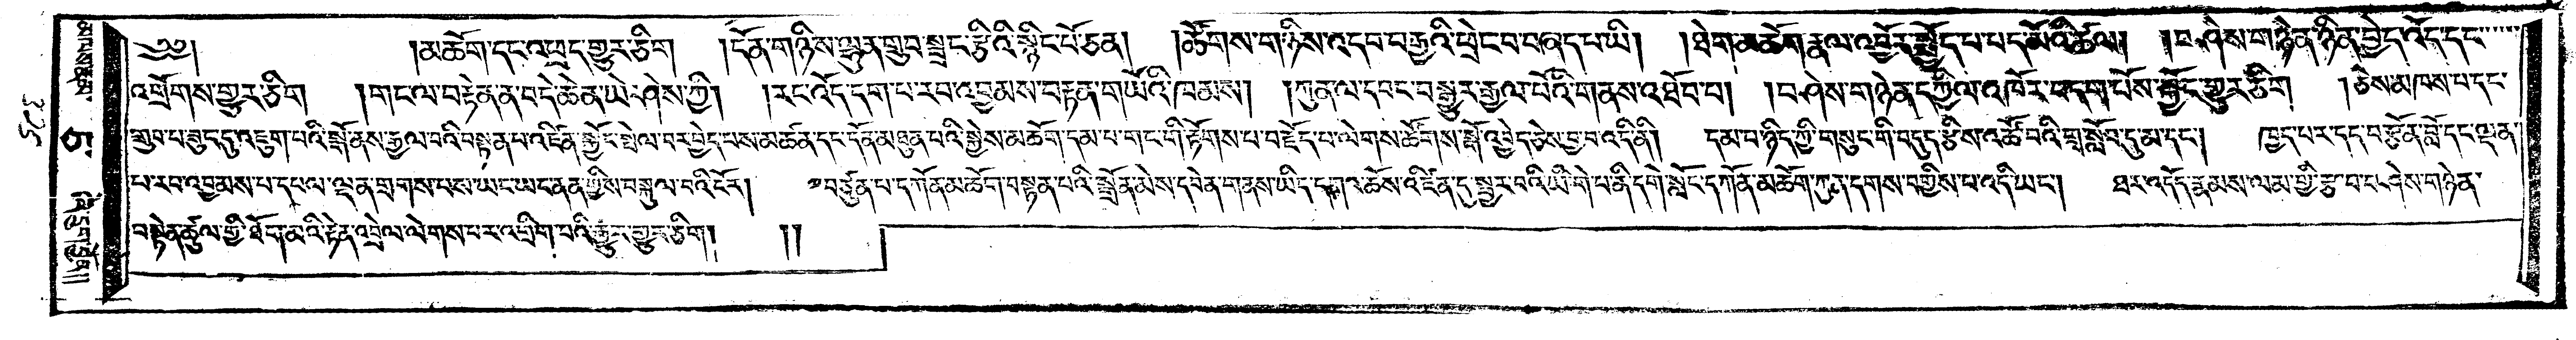༄༅། །མཆོག་དང་འཕྲད་གྱུར་ཅིག །དོན་གཉིས་ལྷུན་གྲུབ་སྦྲང་རྩིའི་སྙིང་པོ་ཅན། །ཚོགས་གཉིས་འདབ་བརྒྱའི་ཕྲེང་བ་བཞད་པ་ཡི། །ཐེག་མཆོག་རྣལ་འབྱོར་སྤྱོད་པ་པད་མོའི་ཚལ། །བཤེས་གཉེན་ཉིན་བྱེད་འོད་དང་
འགྲོགས་གྱུར་ཅིག །གང་ལ་བརྟེན་ན་བདེ་ཆེན་ཡེ་ཤེས་ཀྱི། །རང་འོད་དག་པ་རབ་འབྱམས་བརྟན་གཡོའི་ཁམས། །ཀུན་ལ་དབང་བསྒྱུར་རྒྱལ་པོའི་གནས་འཐོབ་པ། །བཤེས་གཉེན་དཀྱིལ་འཁོར་བདག་པོས་སྐྱོང་གྱུར་ཅིག །ཅེས་མཁས་པ་དང་
གྲུབ་པ་ཟུང་དུ་འཇུག་པའི་སྒོ་ནས་རྒྱལ་བའི་བསྟན་པ་འཛིན་སྐྱོང་སྤེལ་བར་བྱེད་པས་མཚན་དང་དོན་མཐུན་པའི་སྐྱེས་མཆོག་དམ་པ་གང་གི་རྟོགས་པ་བརྗོད་པ་ལེགས་ཚོགས་སྒོ་འབྱེད་ཅེས་བྱ་བ་འདི་ནི། དམ་པ་ཉིད་ཀྱི་གསུང་གི་བདུད་རྩིས་འཚོ་བའི་གླ་སློབ་དུ་མ་དང་། ཁྱད་པར་དད་བརྩོན་བློ་དང་ལྡན་
པ་རབ་འབྱམས་པ་དཔལ་ལྡན་གྲགས་བས་ཡང་ཡང་ནན་གྱིས་བསྐུལ་བའི་ངོར། ༧བཙུན་པ་དཀོན་མཆོག་བསྟན་པའི་སྒྲོན་མེས་དབེན་གནས་ཡིད་དགའ་ཆོས་འཛིན་དུ་སྦྱར་བའི་ཡི་གེ་པ་ནི་དགེ་སློང་དཀོན་མཆོག་ཀུན་དགས་བགྱིས་པ་འདི་ཡང་། ཐར་འདོད་རྣམས་ལམ་གྱི་རྩ་བ་བཤེས་གཉེན་
བསྟེན་ཚུལ་གྱི་ཐོག་མའི་རྟེན་འབྲེལ་ལེགས་པར་འགྲིག་པའི་རྒྱུར་གྱུར་ཅིག ། །།